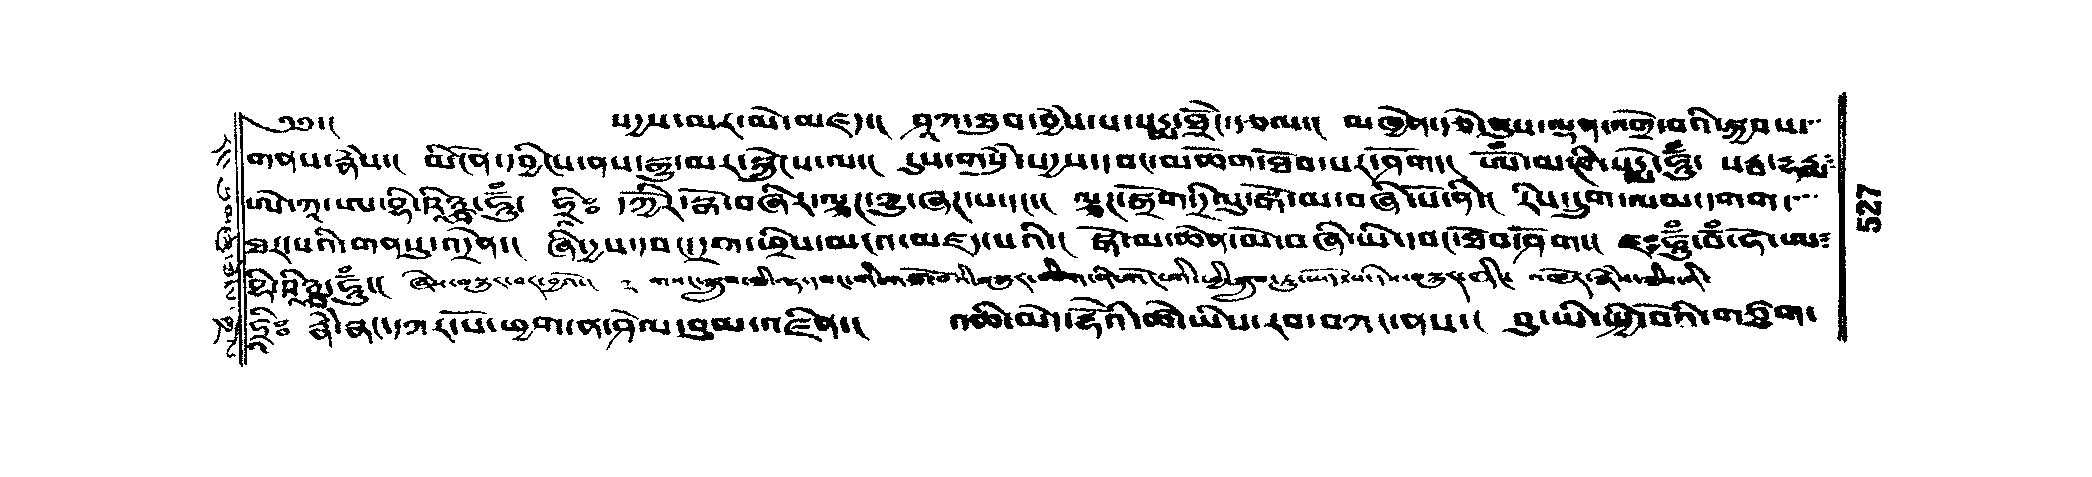སངས་རྒྱས་མར་མེ་མཛད། །ཤཱཀ་ཐུབ་བྱམས་པ་པདྨ་ཐོད་ཕྲེང་རྩལ། །མཁྱེན་བརྩེ་ནུས་ལྡན་འགྲོ་བའི་སྐྱབས་
གནས་རྣམས། །མི་མངོན་དབྱིངས་ནས་སྒྱུ་མར་སྐུར་བཞེངས་ལ། །དུས་གསུམ་སངས་རྒྱས་དབང་མཆོག་ཐོབ་པར་ཤོག།ཨོཾ་མ་ཎི་པདྨེ་ཧཱུྃ། སརྦ་དྷརྨ་
ཨེ་ཀཱ་ཨ་བྷི་རཱིཉྩ་ཧཱུྃ། ཧྲཱིཿ དཀྱིལ་འཁོར་སྒོ་བཞིར་ལྕགས་ཀྱུ་ཞགས་པ་དང་། ལྕགས་སྒྲོག་དྲིལ་བུ་སྒོ་མ་བཞི་པོ་ནི། །རིགས་དྲུག་ལམ་འགག་
ཐར་བའི་གནས་སུ་འདྲེན། །ཞི་རྒྱས་དབང་དྲག་ཕྲིན་ལས་མངའ་མཛད་པའི། །སྒོ་མ་ཆེན་པོ་བཞི་ཡི་དབང་ཐོབ་ཤོག ཛ་ཧཱུྃ་བྃ་ཧོ་ཨ་
བྷི་རཱི་ཉྩ་ཧཱུྃ། ཞེས་བསྐུར་བར་བྱའོ། གསང་སྒྲུབ་ཀྱི་ལྷ་དབང་གི་གཙོ་བོའི་བསྐུར་ཚིག་ནི་གོང་གི་ཕྱི་སྒྲུབ་ཏུ་ཡོད་པ་དེས་བསྐུར་ཞིང་། འཁོར་རྣམས་ཀྱིས་ནི། 
ཧྲཱིཿ རྣམ་སྣང་དཀར་པོ་ཕྱག་ན་ཤེལ་བུམ་འཛིན། །འཆི་མེད་རྡོ་རྗེའི་ཚེ་ཡིས་རབ་བཀང་ནས། །བུ་ཡི་སྤྱི་བོའི་གཙུག་